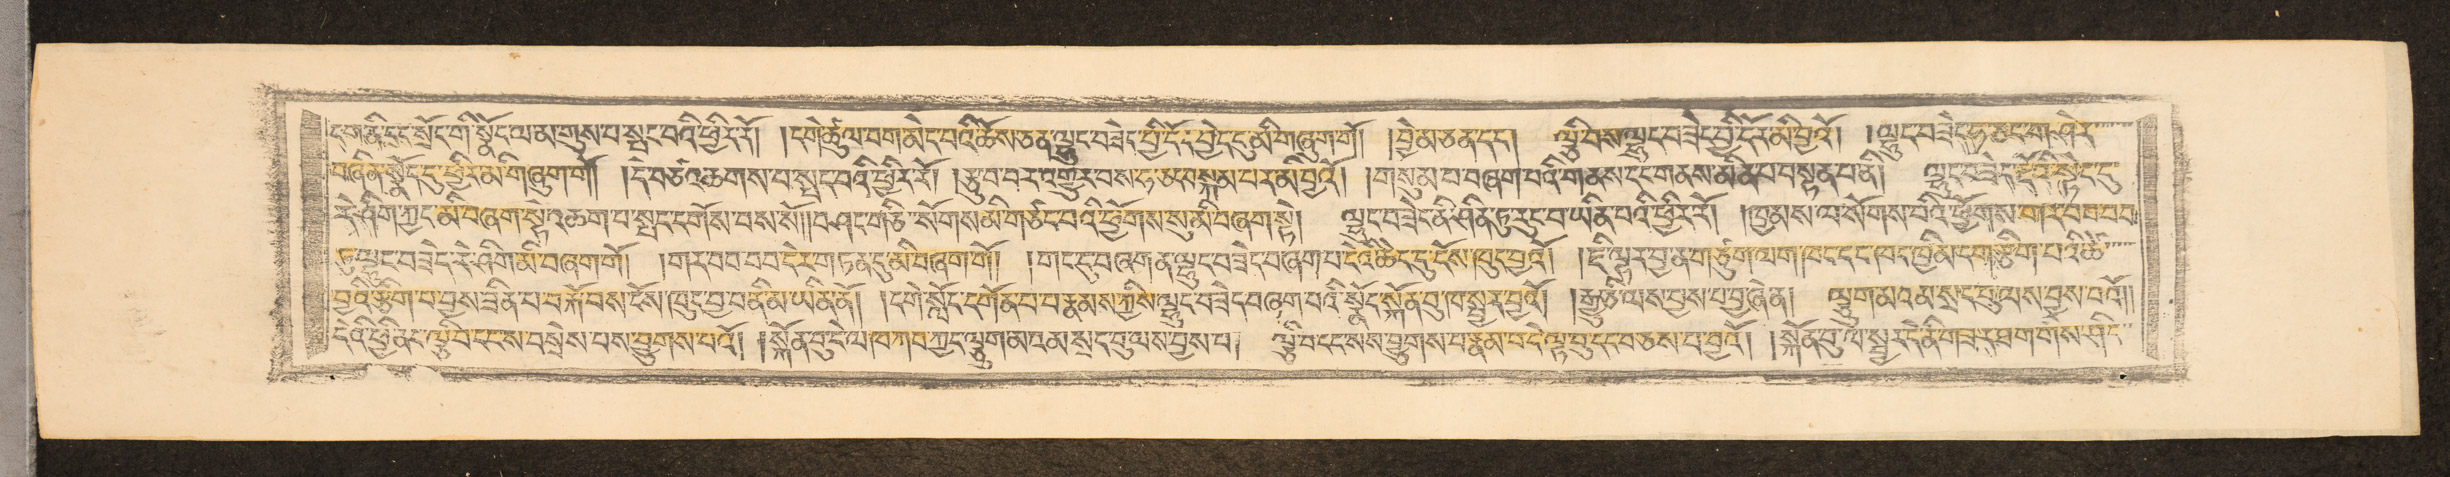དག་ནི་དྲང་སྲོང་གི་སྣོད་ལ་མ་གུས་པ་སྤང་བའི་ཕྱིར་རོ། །དགེ་ཚུལ་བག་མེད་པའི་ཆོས་ཅན་ལྷུང་བཟེད་བྱི་དོར་བྱེད་དུ་མི་གཞུག་གོ། །བྱེ་མ་ཅན་དང་། ལྕི་བས་ལྷུང་བཟེད་བྱི་དོར་མི་བྱའོ། །ལྷུང་བཟེད་ཧ་ཅང་གཤེར་
བཞིན་སྣོད་དུ་ཕྱིར་མི་གཞུག་གོ། །དེ་བཙའ་ཆགས་པ་སྤང་བའི་ཕྱིར་རོ། །རྩུབ་པར་འགྱུར་བས་ཧ་ཅང་བསྐམ་པར་མི་བྱའོ། །གསུམ་པ་བཞག་པའི་གནས་དང་གནས་མིན་པ་བསྟན་པ་ནི། ལྷུང་བཟེད་རྡོའི་སྟེང་དུ་
རེ་ཤིག་ཀྱང་མི་བཞག་སྟེ་འཆག་པ་སྤང་དགོས་པས་སོ། །བཤད་གཅི་སོགས་མི་གཙང་བའི་ཕྱོགས་སུ་མི་བཞག་སྟེ། ལྷུང་བཟེད་ནི་ཤིན་ཏུ་རུང་བ་ཡིན་པའི་ཕྱིར་རོ། །ཁྱམས་ལ་སོགས་པའི་ཕྱོགས་གར་བབ་བབ་
ཏུ་ལྷུང་བཟེད་རེ་ཤིག་མི་བཞག་གོ། །གར་བབ་བབ་དེར་གཏན་དུ་མི་བཞག་གོ། །གང་དུ་བཞག་ན་ལྷུང་བཟེད་བཞག་པ་དེའི་ཆེད་དུ་ངོས་ཁུང་བྱའོ། །ཇི་ལྟར་བྱ་ན་གཙུག་ལག་ཁང་དང་ཁང་ཁྱིམ་དག་རྩིག་པའི་ཚེ་
བྱའི་རྩིག་པ་བྱས་ཟིན་པ་བརྐོ་པས་ངོས་ཁུང་བྱ་བ་ནི་མ་ཡིན་ནོ། །དགེ་སློང་དགོན་པ་པ་རྣམས་ཀྱིས་ལྷུང་བཟེད་བཞག་པའི་སྣོད་སྐོན་བུ་ཁ་སྦྱར་བྱའོ། །རྒྱུ་ཅི་ལས་བྱས་པ་བྱ་ཞེ་ན། ལྕུག་མའམ་སྲང་བུ་ལས་བྱས་པའོ།།
དེའི་ཕྱི་ནང་ལྕི་བ་དང་ས་བསྲེས་པས་བྱུགས་པའོ། །སྐོན་བུ་དེ་ལ་ཁ་ཀབ་ཀྱང་ལྕུག་མའམ་སྲད་བུ་ལས་བྱས་པ། ལྕི་བ་དང་སས་བྱུགས་པ་རྣམ་པ་དེ་ལྟ་བུ་དང་བཅས་པ་བྱའོ། །སྐོན་བུ་ཁ་སྦྱར་དེ་ནི་གཟར་ཐག་གིས་ཤིང་